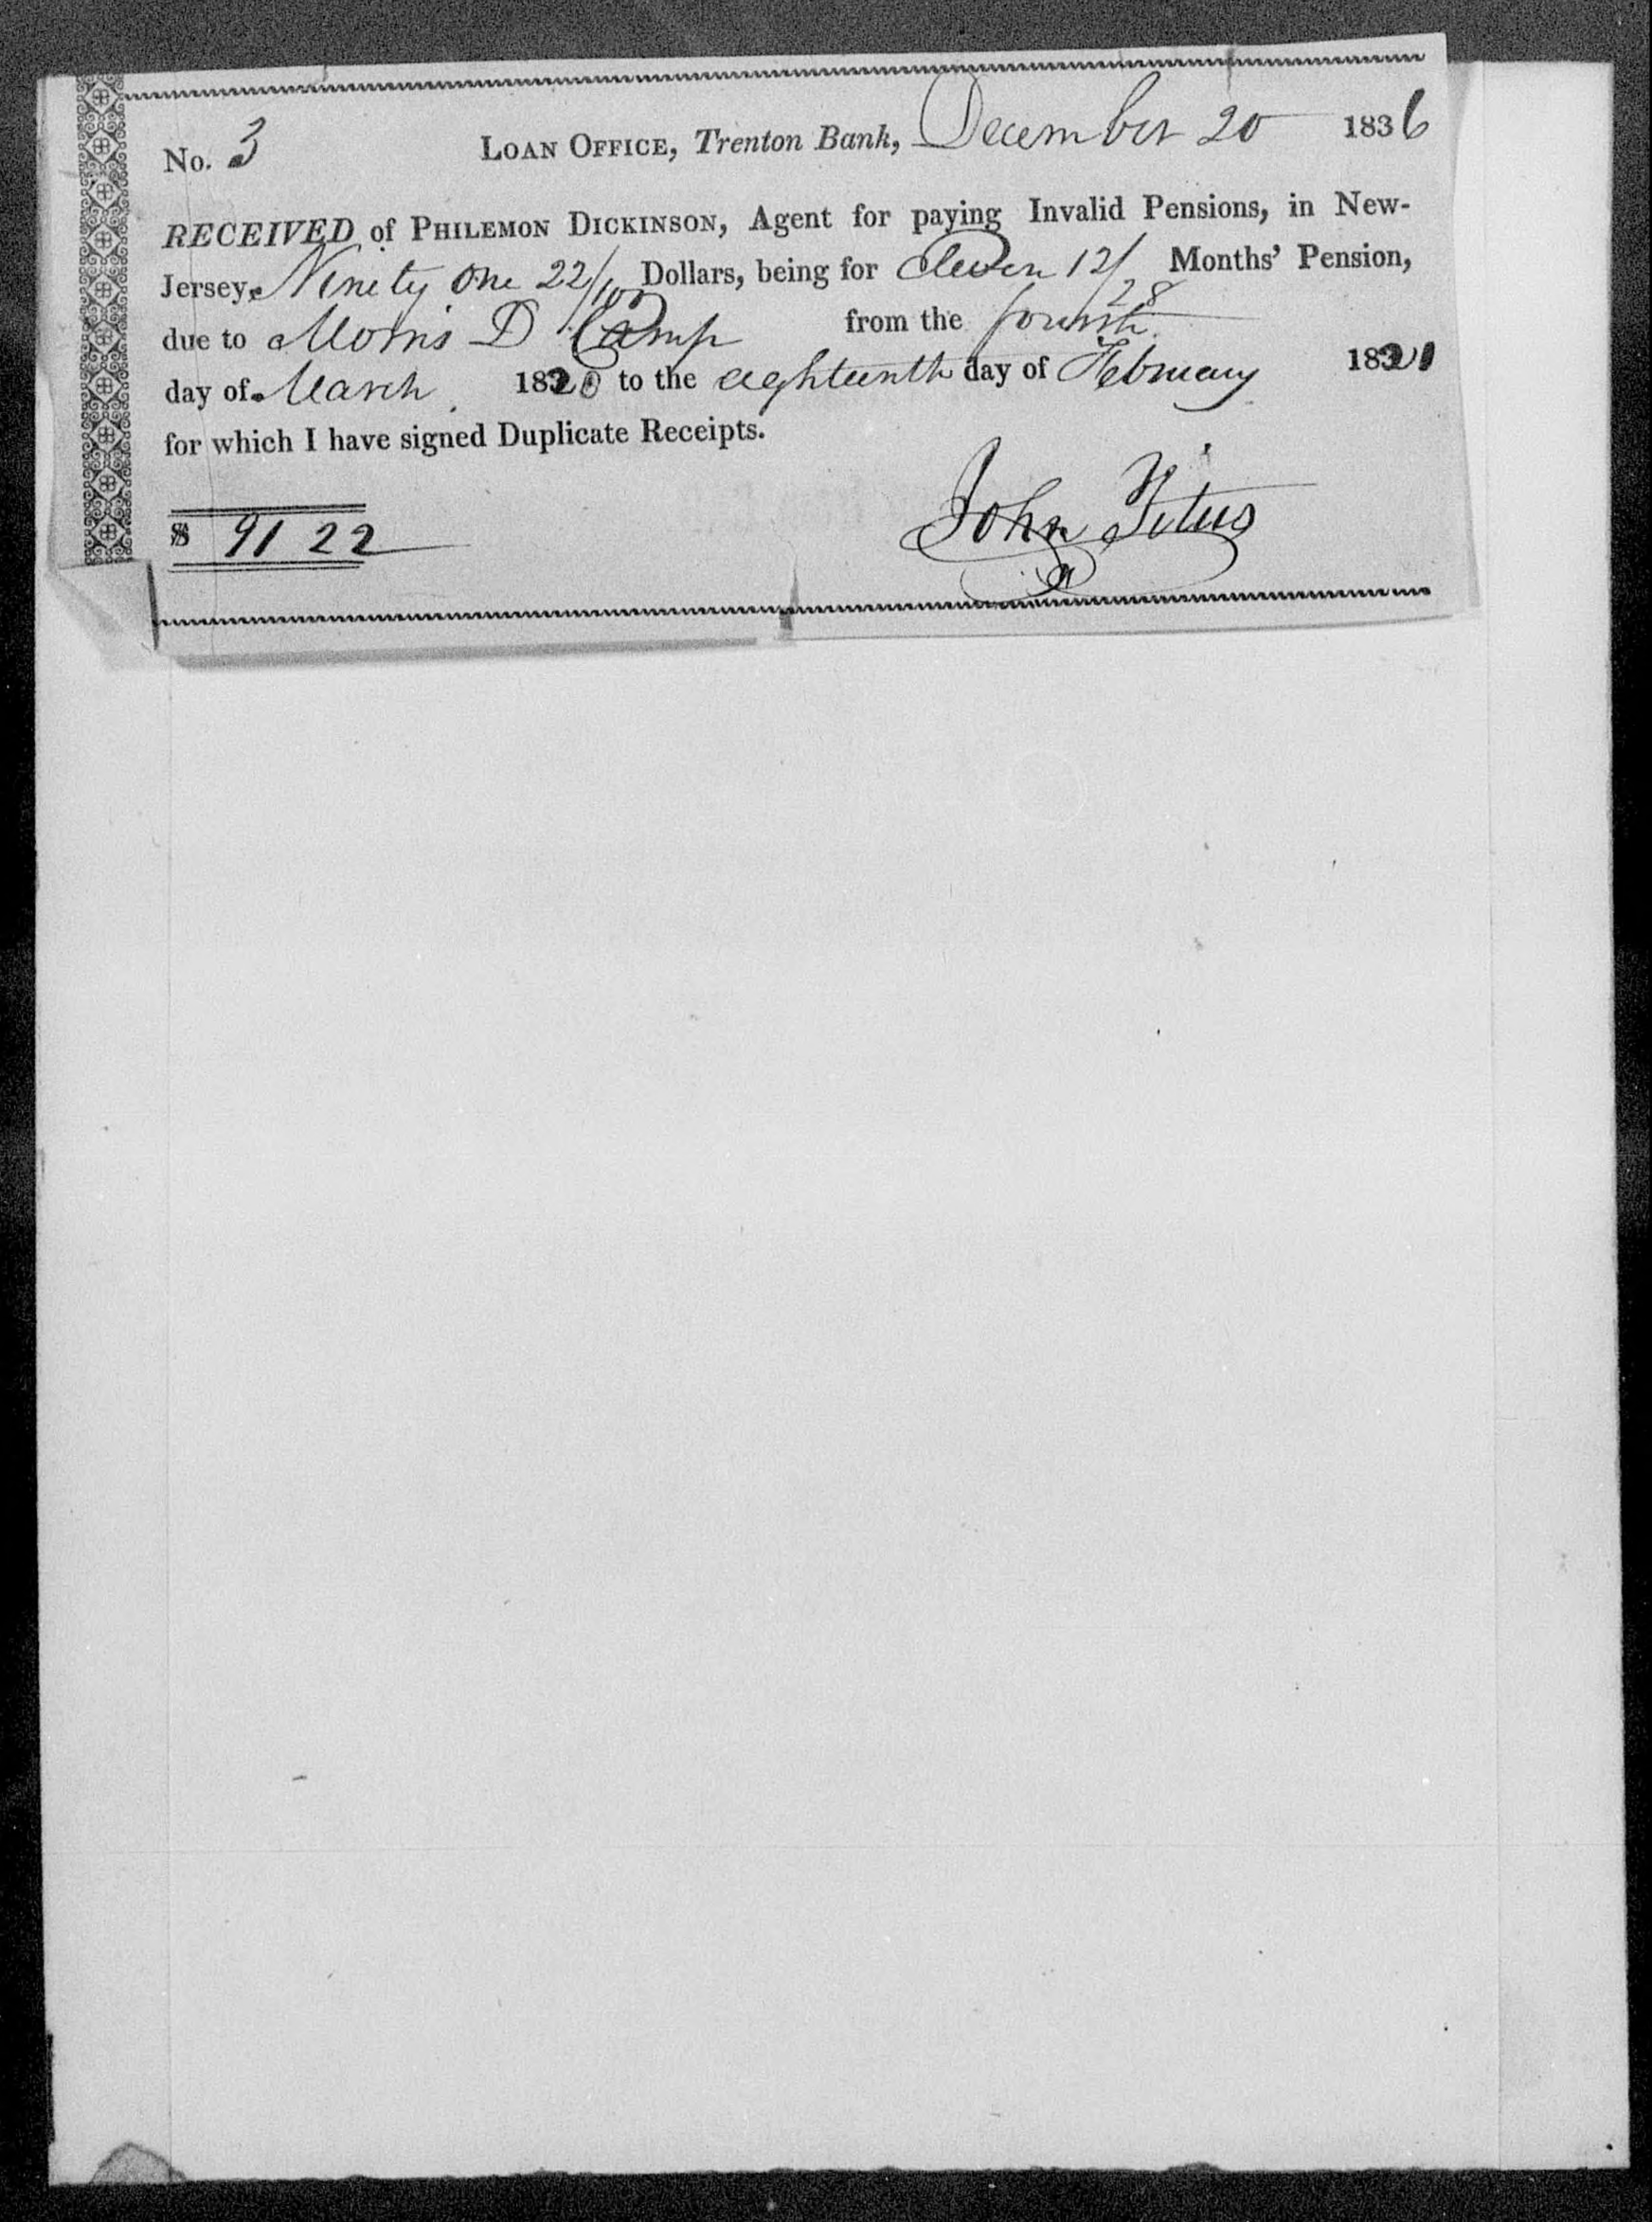No. 3    Loan Office, Trenton Bank, December 20 1836
RECEIVED of PHILEMON DICKINSON, Agent for paying Invalid Pensions, in New-Jersey, Ninety one 22/100 Dollars, being for Eleven 12/28 Months' Pension, due to Morris D Camp from the fourth day of March 1820 to the eighteenth day of February 1821 for which I have signed Duplicate Receipts.    
$91.22   John Titus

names: John Titus, Philemon Dickinson, Morris D Camp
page: 14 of 52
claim: survivor's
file: S. 34172, Morris D Camp, Continental (New Jersey)